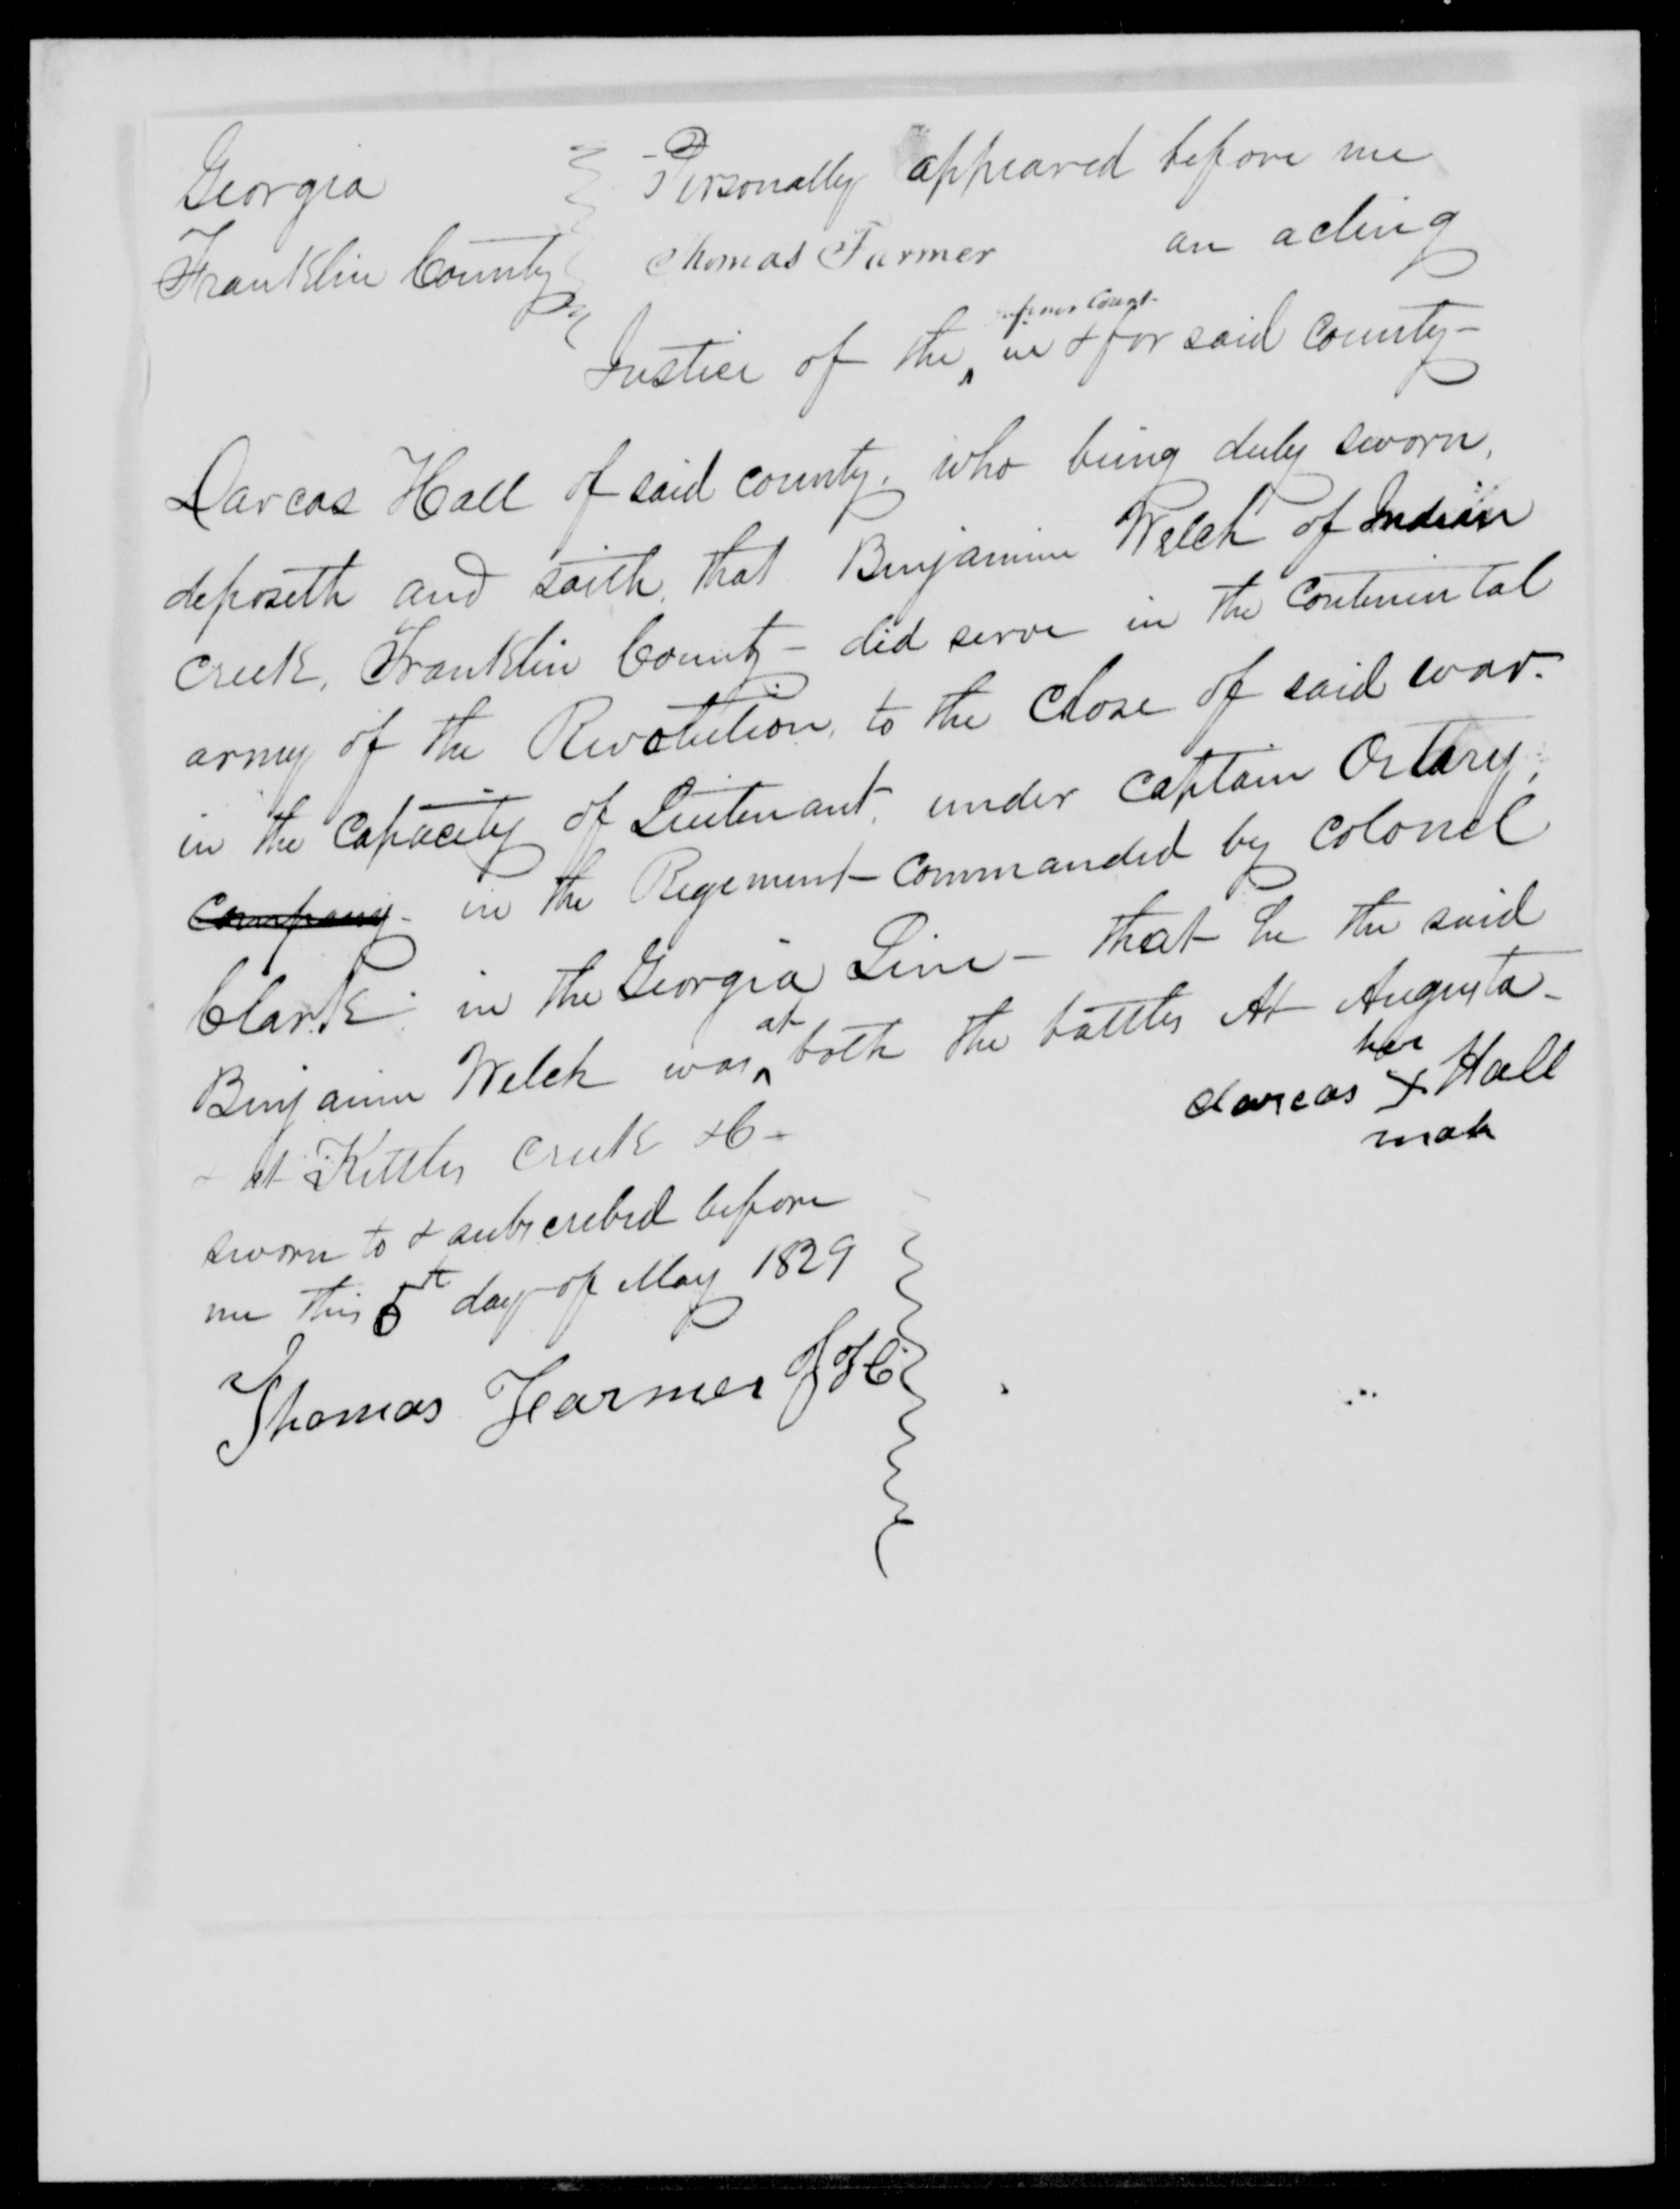Georgia             }
Franklin County }
Personally appeared before me Thomas Farmer
an acting Justice of the Inferior Court in & for said County - Darcas Hall of said county, who being duly sworn, deposeth and saith that Benjamin Welch of Indian Creek, Franklin County, did serve in the continental army of the Revolution to the close of said war, in the capacity of Liutenant under Captain Ortary in the Regiment commanded by Colonel Clark in the Georgia Line - that he the said Benjamin Welch was at both the battles at Augusta & at Kittles Creek &c.
Darcas Hall [X and "her mark" appear between first and last names]
Sworn to & subscribed before
me this 5th day of May 1829
Thomas Farmer J I C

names: Darcas Hall, Thomas Farmer, Benjamin Welch, Clark, Ortary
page: 13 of 23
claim: rejected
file: R. 20,446, Benjamin Welch, Ga.